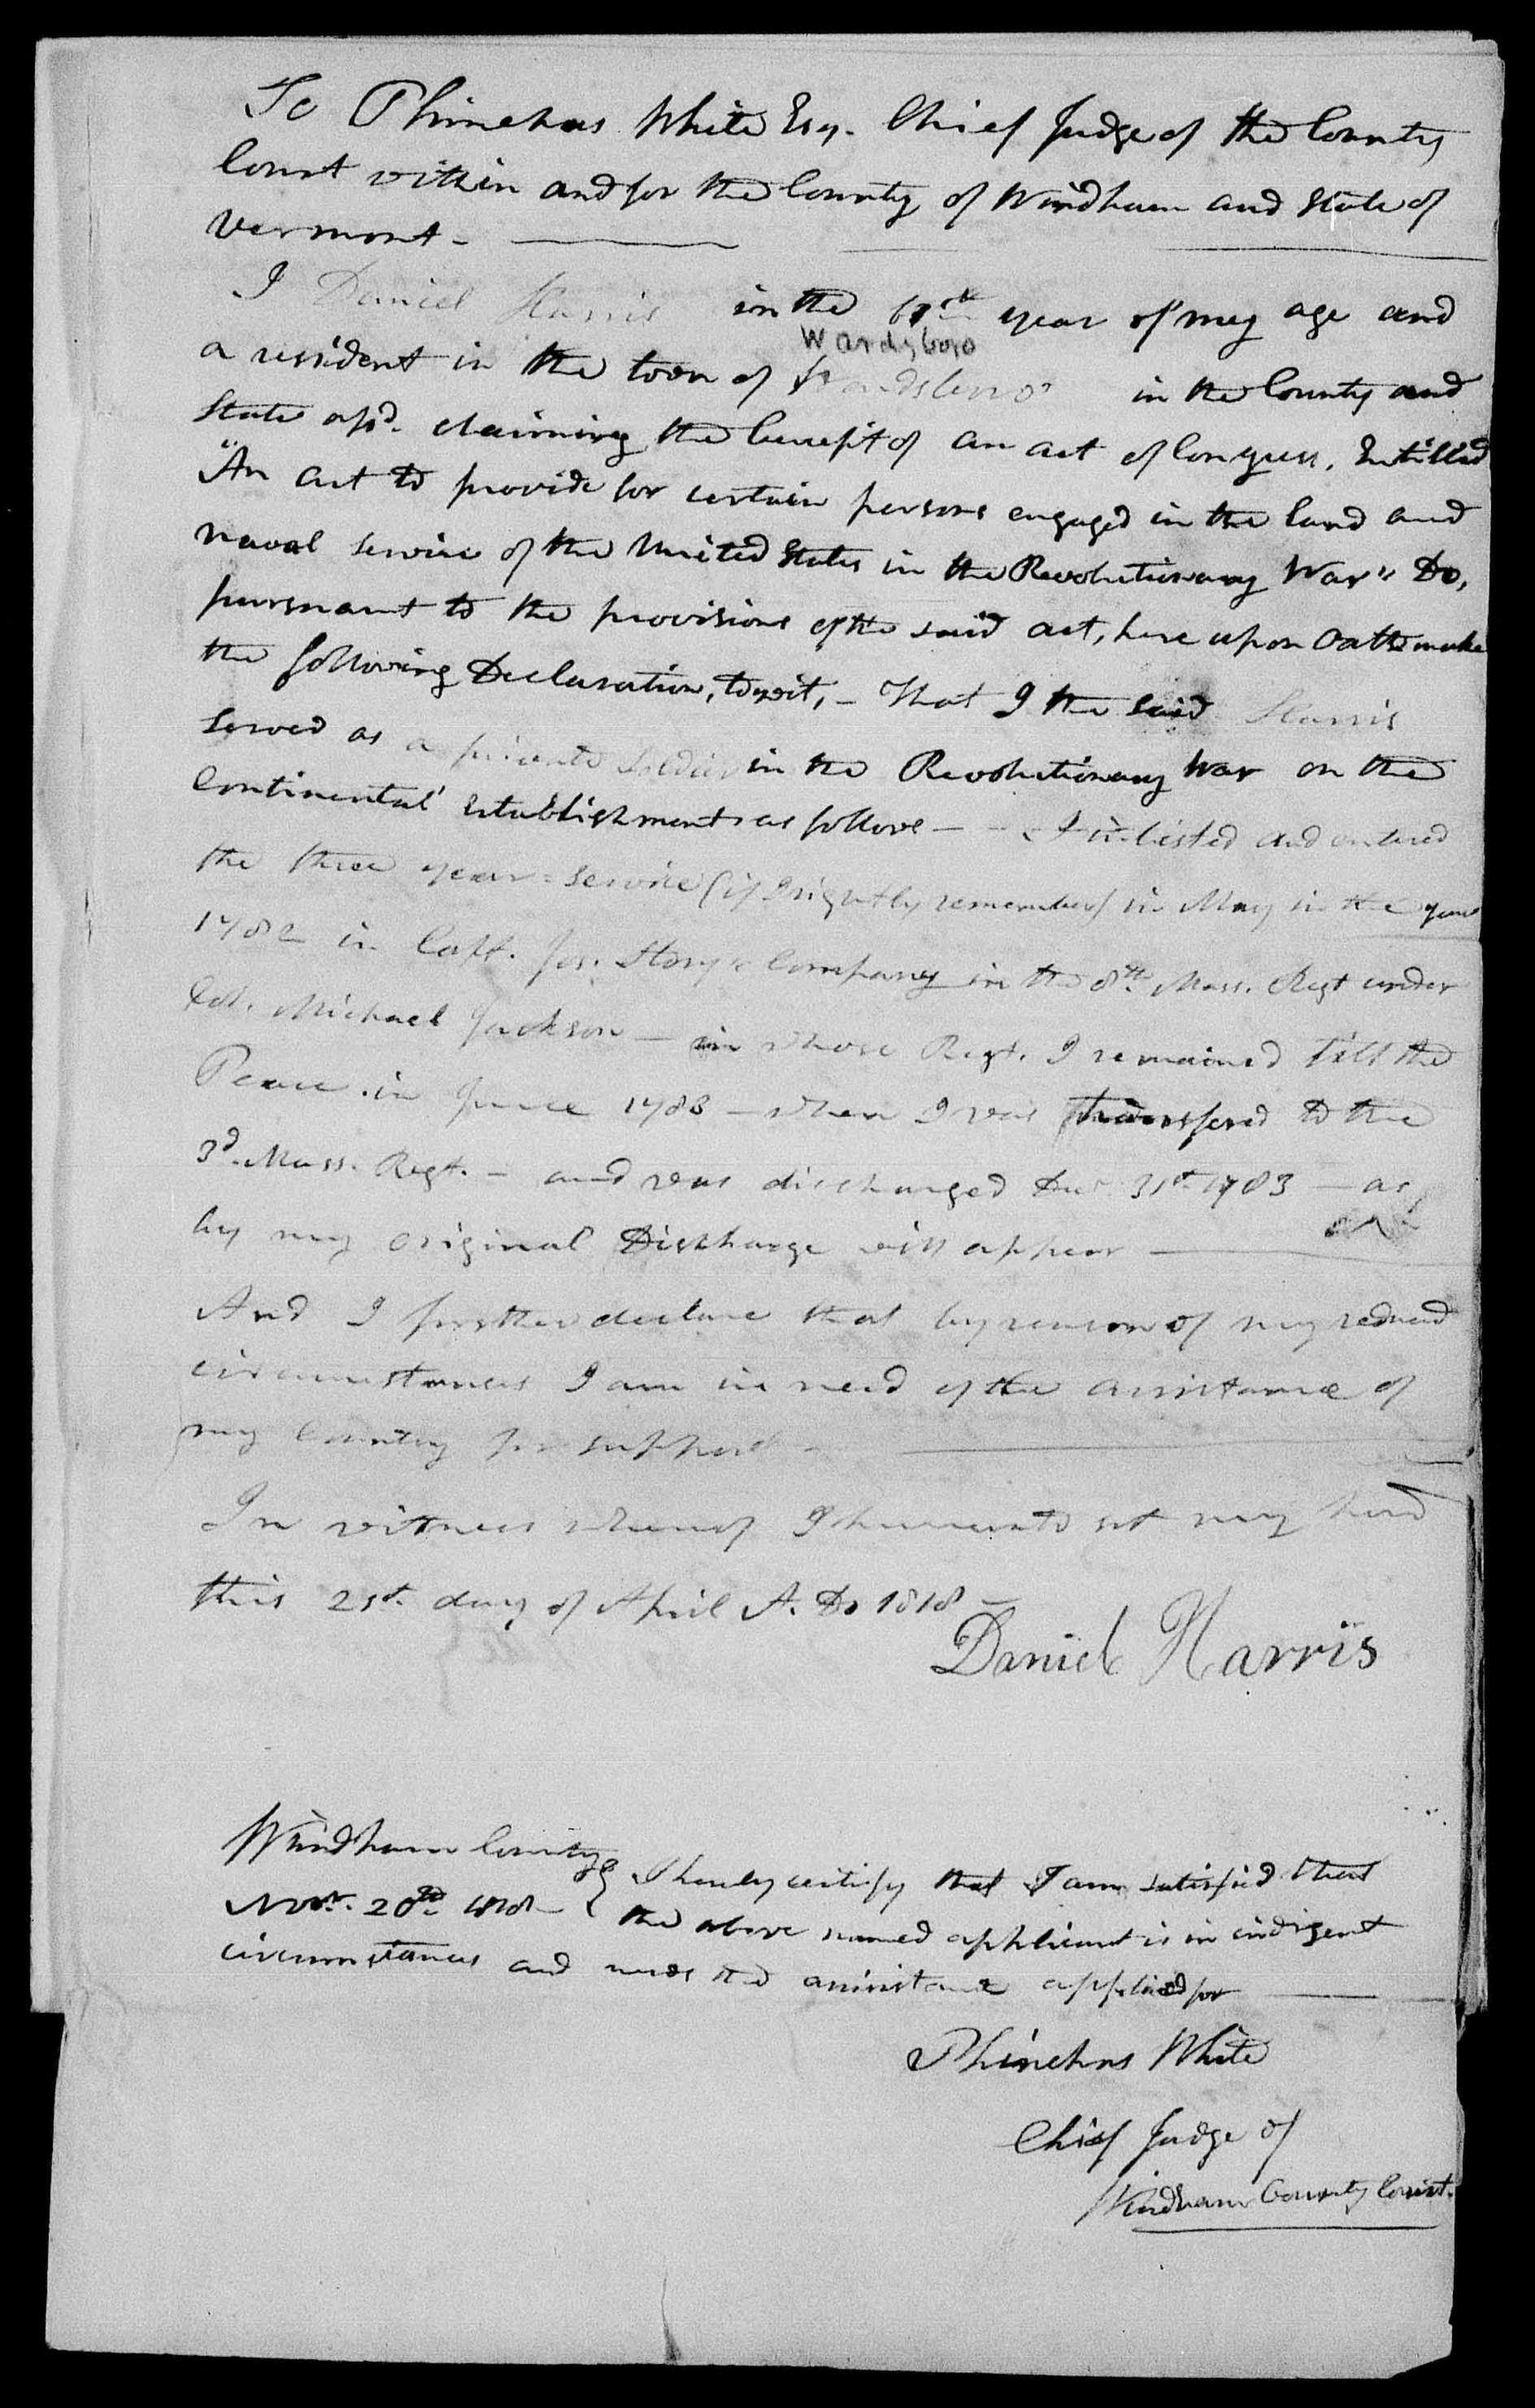To Phinehas White Esq. Chief Justice of the County Court withing and for the County of Windham and state of Vermont--
I Daniel Harris in the 61st year of my age and a resident in the town of Wardsboro in the County and Sate of said claiming the benefit of an act of Congress entitled " an act to provide for certain persons engaged in the land and Naval service of the United States in the Revolutionary War" do pursuant to the provisions of this said act, her upon oath make the following Declaration, to wit, That I the said Harris served as a private soldier in the Revolutionary War on the Continental establishment as follows--I enlisted and entered the three year service if I rightly remember in May of the year 1782 in Capt. Jos. Story's company in the 16th Mass. Regt. under Col. Michael Jackson--in above Regt. I remained until the peace in June 1783. Then I was transferred to the 3rd Mass. Regt. and was discharged Dec. 31st 1783 as will my original discharge will appear--And I further declare that by reason of my reduced circumstances I am in need of the assistance of my country for support.
In witness subscribed thereunto in my hand this 21st day of April A.D. 1818
Daniel Harris

Windham County                 
Nov. 20th (illegible)
I hereby certify that I am satisfied that the above named applicant is in indigent circumstance and needs the assistance applied for.
Phinehas White
Chief Judge of Windham County Court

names: Michael Jackson, Daniel Harris, Daniel Harris, Phinehas White, Phinehas White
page: 34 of 68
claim: survivor's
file: S. 29,877, Daniel Harris, Mass.